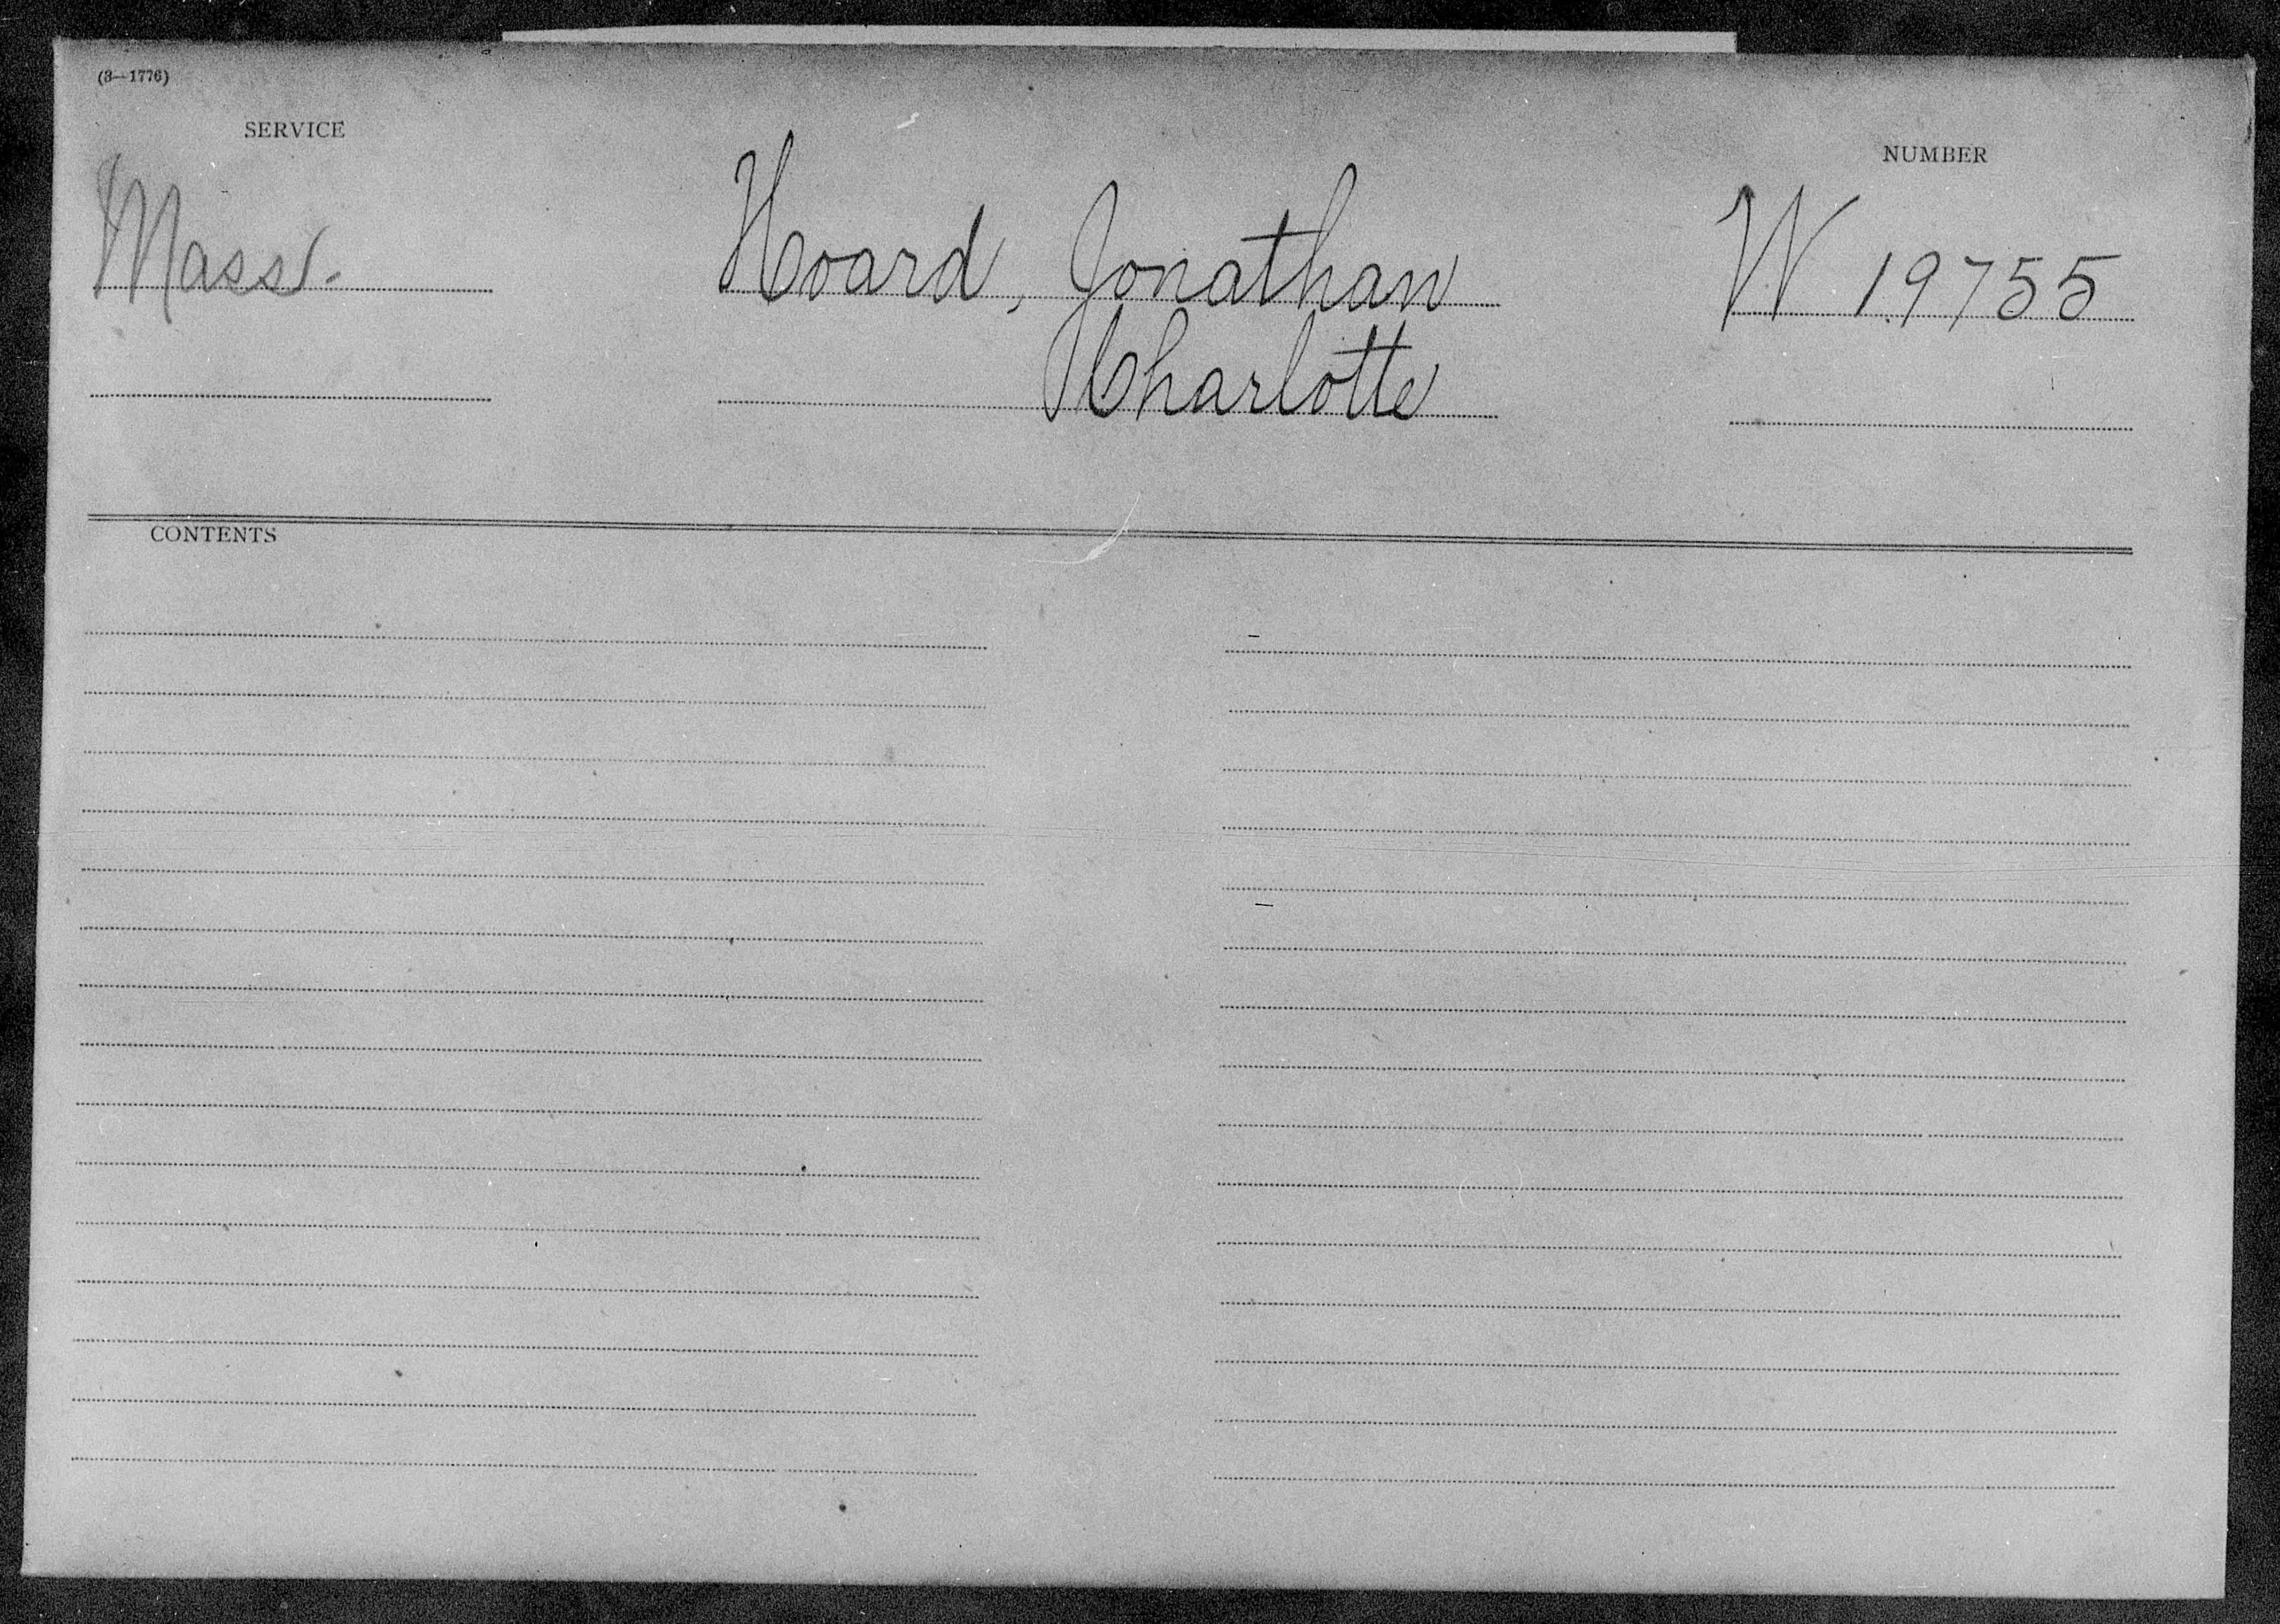Service: Mass.
Hoard, Jonathon
Charlotte
Number: W19755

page: 1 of 52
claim: widow's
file: W 19755, Jonathan Hoard, Mass.